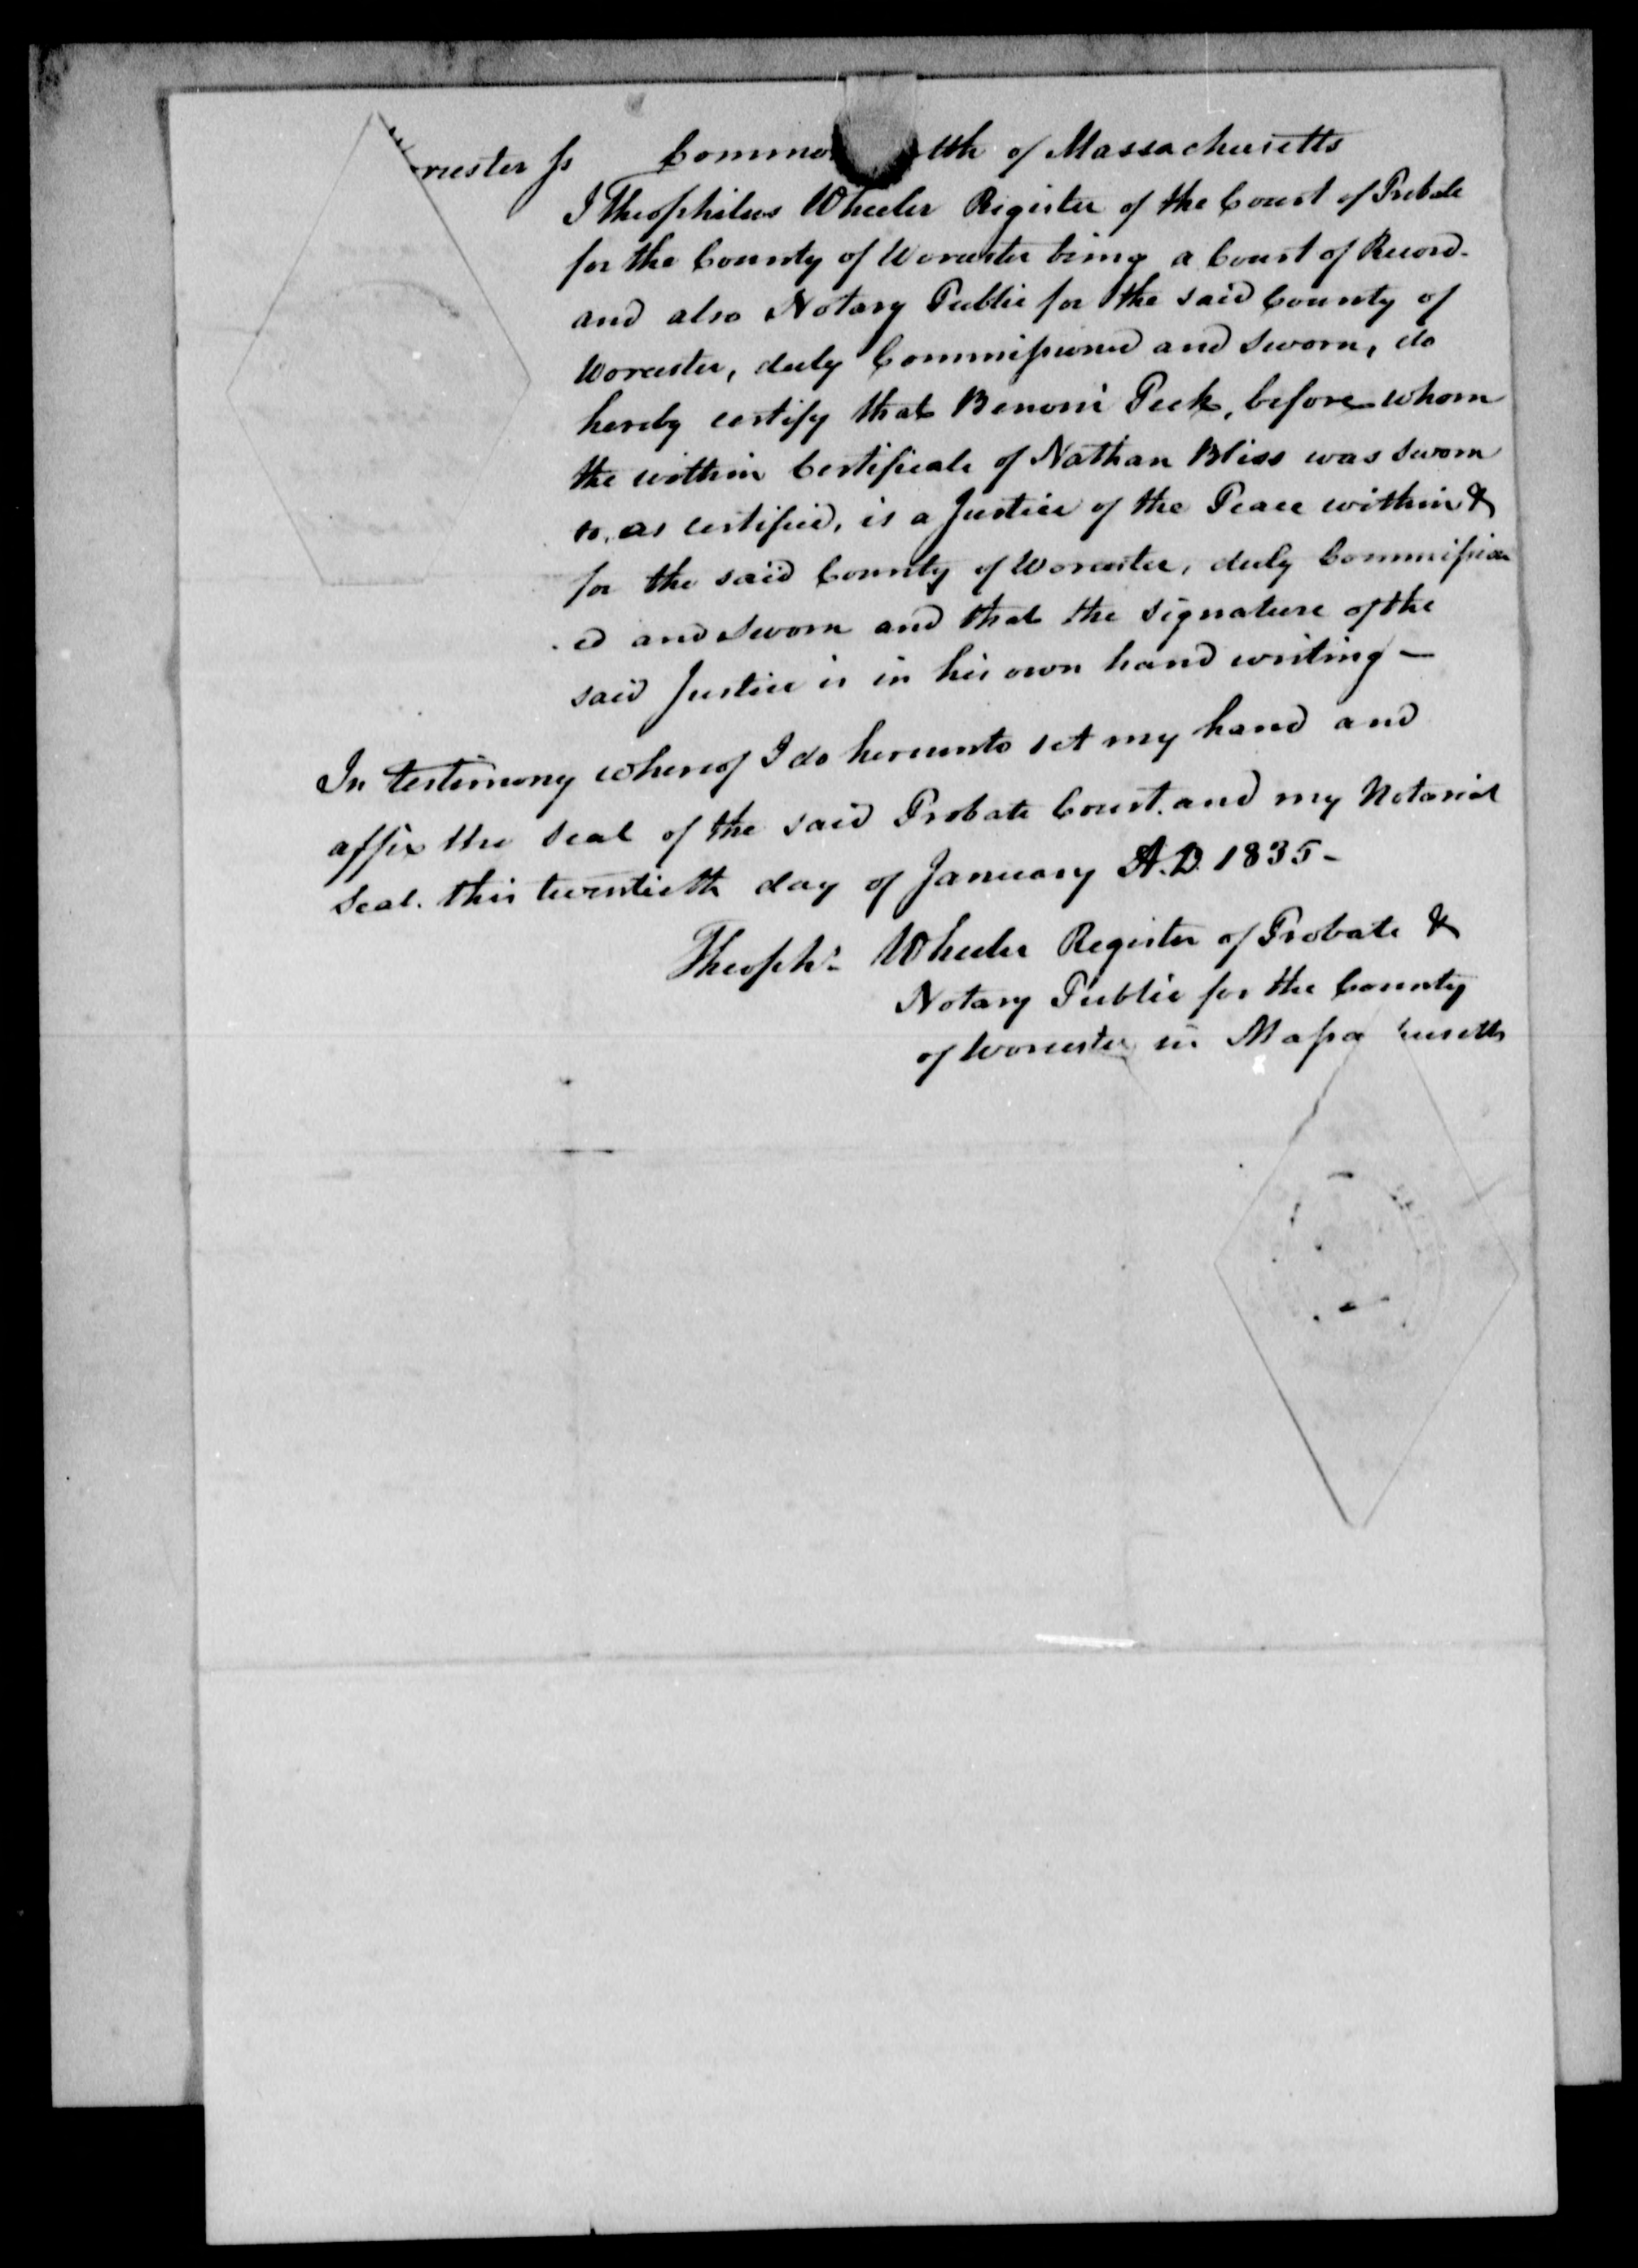Worcester Ss Commonwealth of Massachusetts
(seal)
I Theophilus wheeler, Register of the Court fo Probate for the County of Worcester being a Court of Record and also Notary Public for the said County of Worcester, duly Commissioned and sworn, to hereby certify that Benoni Peck before whom the within certificate of Nathan Bliss was sworn to as certified, is a Justice of the Peace within & for the said County of Worcester, duly commissioned and sworn and that the signature of the said Justice is in his own hand writing.
In testimony whereof I do hereunto set my hand and affix the seal of the said Probate Court and my Notarial Seal this twentieth day of January A. D. 1835.
Theoph. Wheeler Register of Probate &\
Notary Public for the County of Worcester in Massachusetts
(seal)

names: Benoni Peck, Theophilus Wheeler, Nathan Bliss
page: 88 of 98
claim: widow's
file: W. 1682, Valentine Wheeler, Mass.